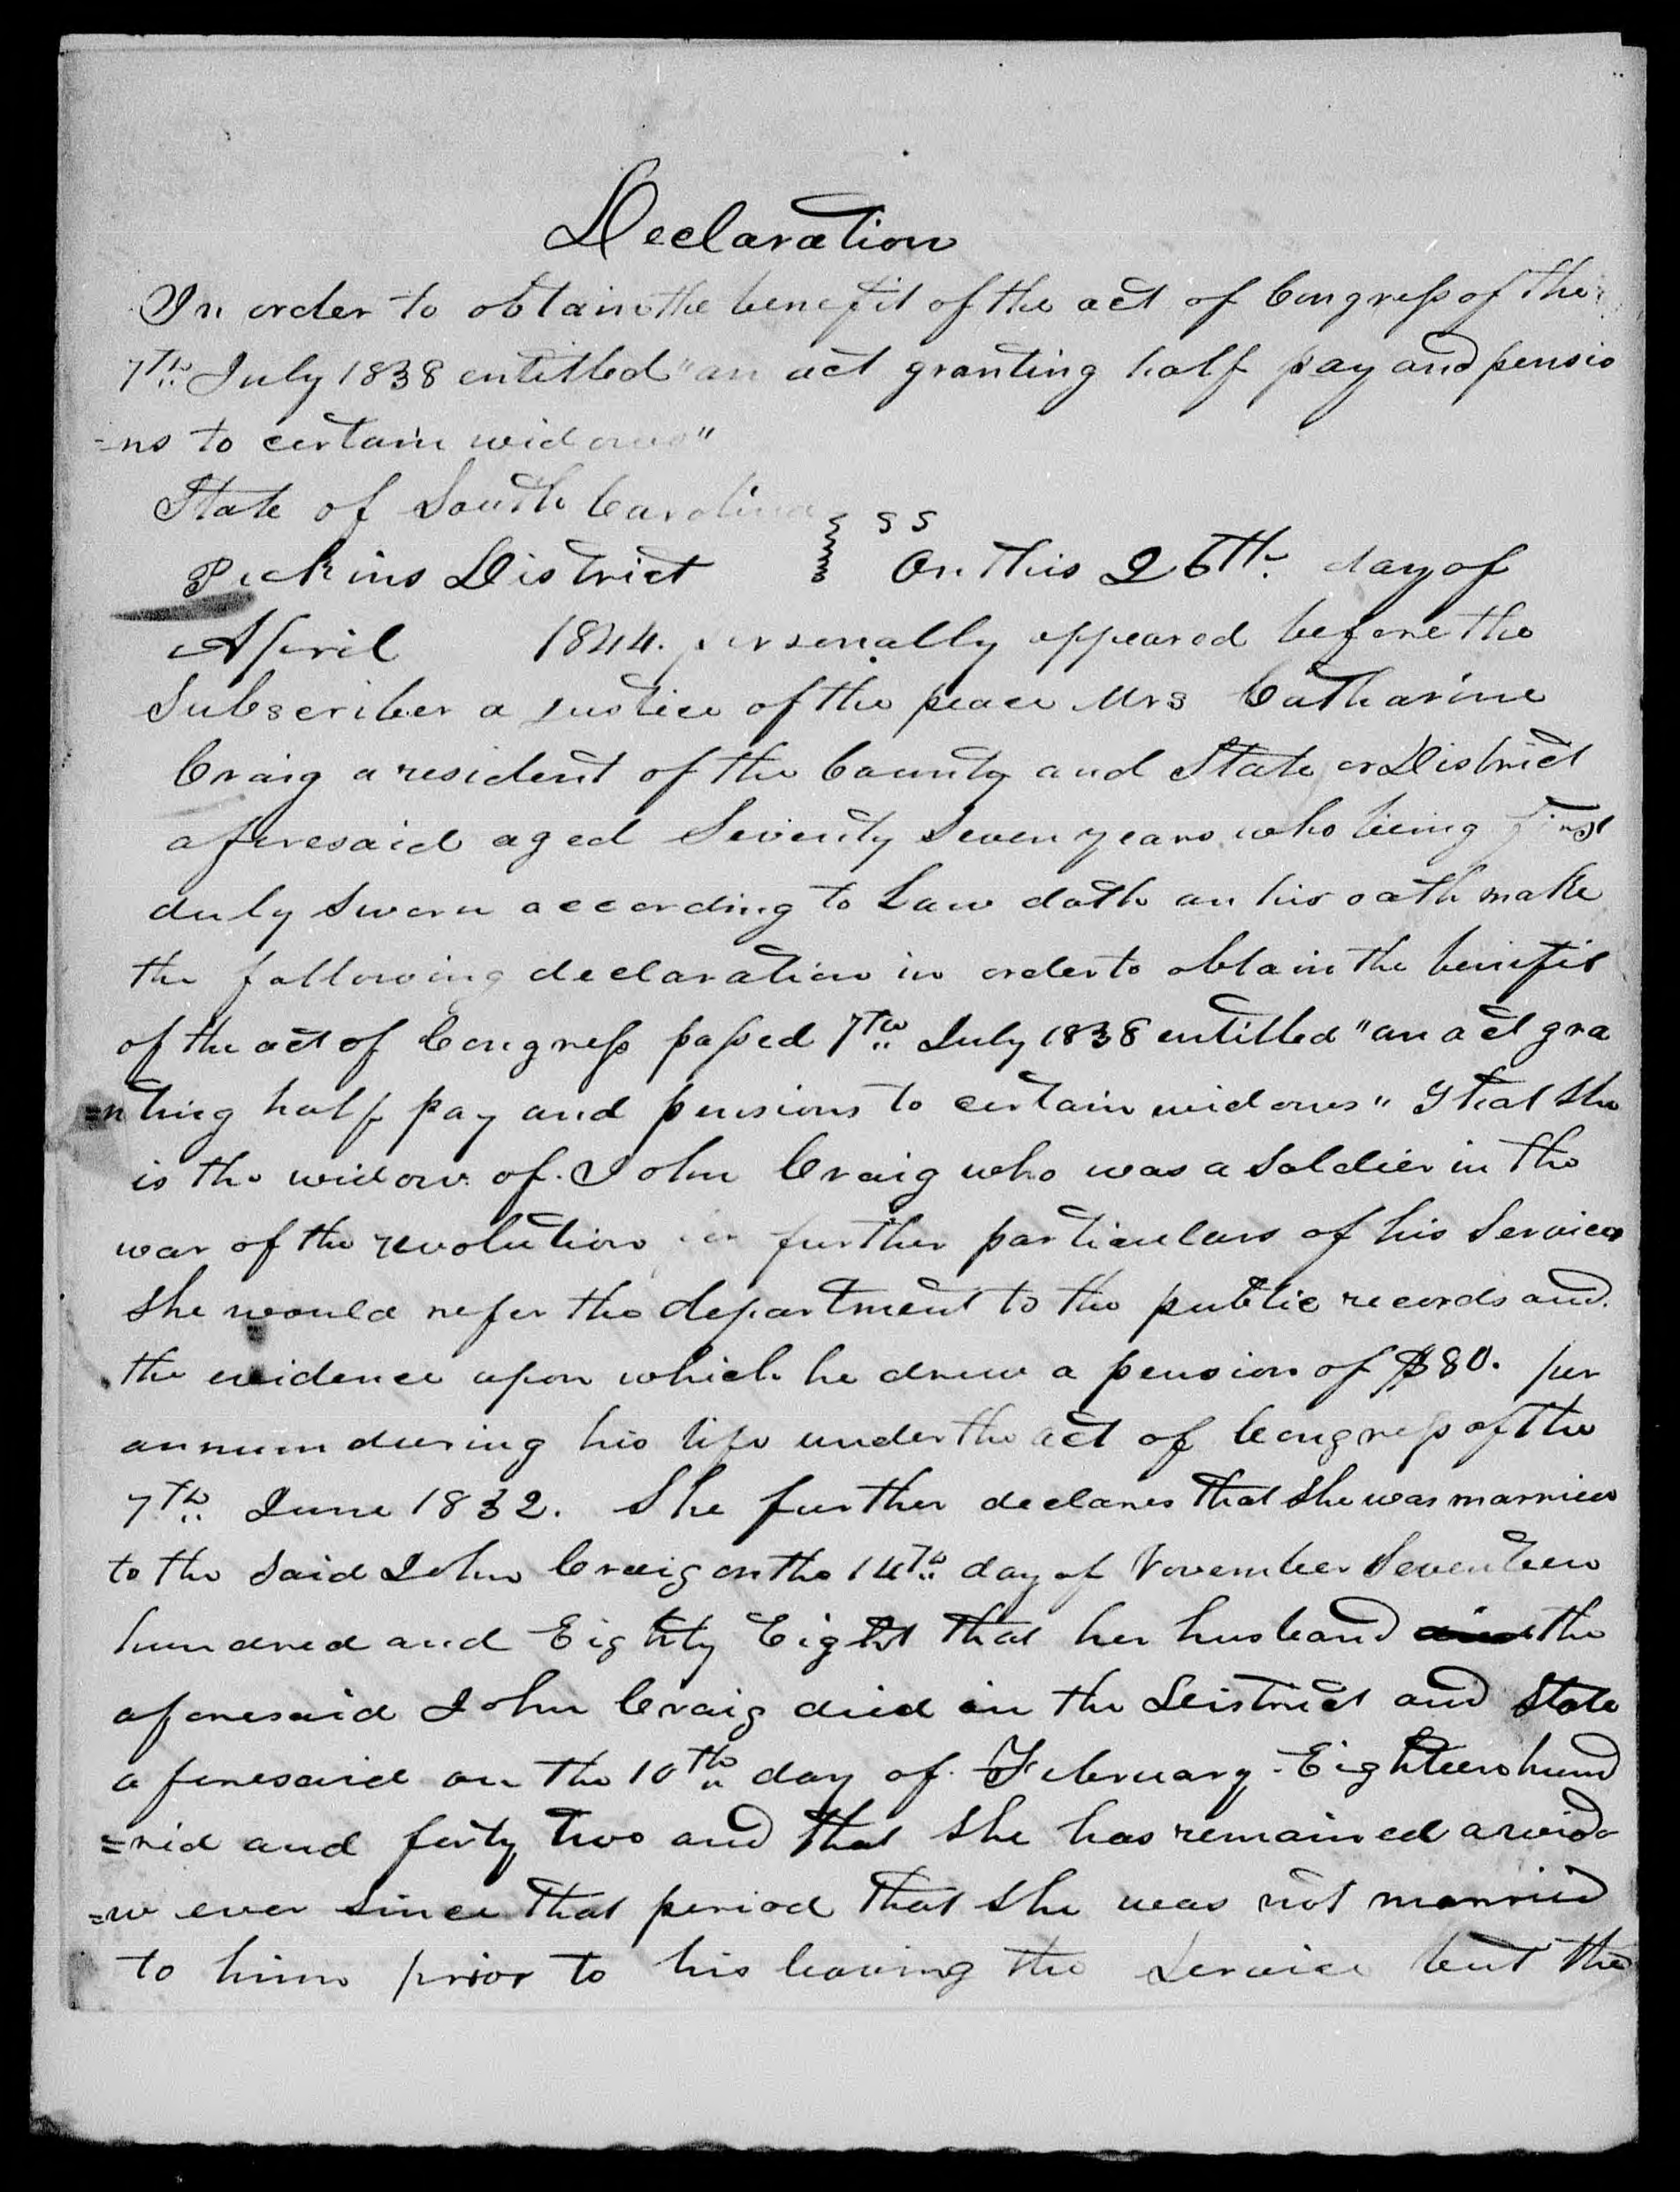Declaration

In order to obtain the benefit of the act of Congress of the 7th July 1838 entitled "an act granting half pay and pension to certain widows."

State of South Carolina
Pickens District  SS
On this 26th day of April 1844, personally appeared before the Subscriber a Justice of the Peace Mrs. Catharine Craig a resident of the County and State and District aforesaid aged Seventy Seven years, who being first duly sworn according to Law doth on his oath make the following declaration in order to obtain the benefit of the act of Congress passed 7th July 1838 entitled "an act granting half pay and pensions to certain widows."

That she is the widow of John Craig who was a Soldier in the war of the revolution for further particulars of his Service she would refer the department to the public records and the evidence upon which he drew a pension of $80. per annum during his life under the act of Congress of the 7th June 1832.

She further declares that she was married to the said John Craig on the 14th day of November Seventeen hundred and Eighty Eight, that her husband the aforesaid John Craig died in the District and State aforesaid on the 10th day of February, Eighteen hundred and forty two and that she has remained a widow ever since that period, that she was not married to him prior to his leaving the service but the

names: John Craig, John Craig, John Craig, Catharine Craig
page: 9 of 55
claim: widow's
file: W. 22864, John Craig, S.C. Born In Iceland